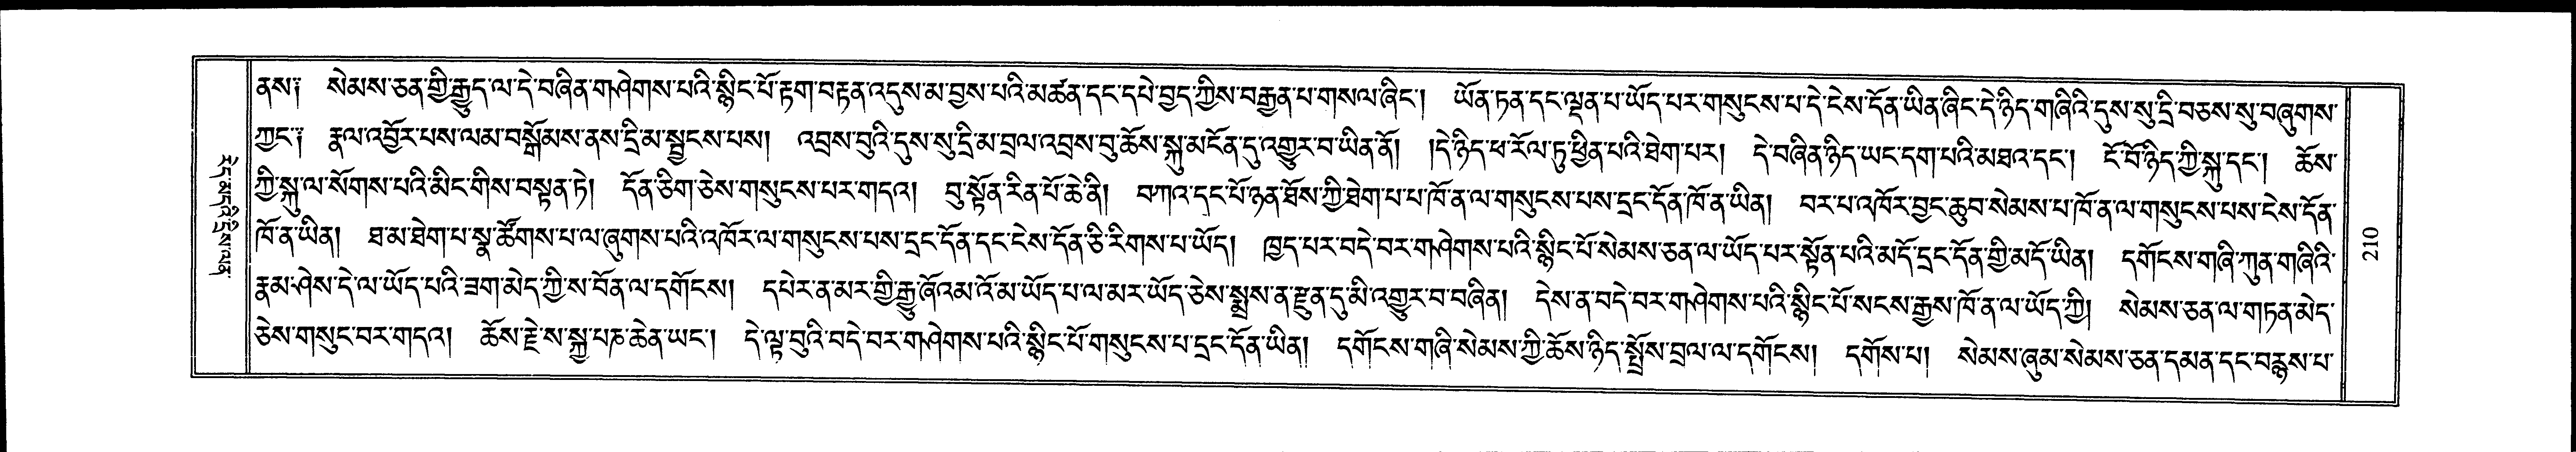ནས། སེམས་ཅན་གྱི་རྒྱུད་ལ་དེ་བཞིན་གཤེགས་པའི་སྙིང་པོ་རྟག་བརྟན་འདུས་མ་བྱས་པའི་མཚན་དང་དཔེ་བྱད་ཀྱིས་བརྒྱན་པ་གསལ་ཞིང་། ཡོན་ཏན་དང་ལྡན་པ་ཡོད་པར་གསུངས་པ་དེ་ངེས་དོན་ཡིན་ཞིང་དེ་ཉིད་གཞིའི་དུས་སུ་དྲི་བཅས་སུ་བཞུགས་
ཀྱང་། རྣལ་འབྱོར་པས་ལམ་བསྒོམས་ནས་དྲི་མ་སྦྱངས་པས། འབྲས་བུའི་དུས་སུ་དྲི་མ་བྲལ་འབྲས་བུ་ཆོས་སྐུ་མངོན་དུ་འགྱུར་བ་ཡིན་ནོ། །དེ་ཉིད་ཕ་རོལ་ཏུ་ཕྱིན་པའི་ཐེག་པར། དེ་བཞིན་ཉིད་ཡང་དག་པའི་མཐའ་དང་། ངོ་བོ་ཉིད་ཀྱི་སྐུ་དང་། ཆོས་
ཀྱི་སྐུ་ལ་སོགས་པའི་མིང་གིས་བསྟན་ཏེ། དོན་ཅིག་ཅེས་གསུངས་པར་གདའ། བུ་སྟོན་རིན་པོ་ཆེ་ནི། བཀའ་དང་པོ་ཉན་ཐོས་ཀྱི་ཐེག་པ་པ་ཁོ་ན་ལ་གསུངས་པས་དྲང་དོན་ཁོ་ན་ཡིན། བར་པ་འཁོར་བྱང་ཆུབ་སེམས་པ་ཁོ་ན་ལ་གསུངས་པས་ངེས་དོན་
ཁོ་ན་ཡིན། ཐ་མ་ཐེག་པ་སྣ་ཚོགས་པ་ལ་ཞུགས་པའི་འཁོར་ལ་གསུངས་པས་དྲང་དོན་དང་ངེས་དོན་ཅི་རིགས་པ་ཡོད། ཁྱད་པར་བདེ་བར་གཤེགས་པའི་སྙིང་པོ་སེམས་ཅན་ལ་ཡོད་པར་སྟོན་པའི་མདོ་དྲང་དོན་གྱི་མདོ་ཡིན། དགོངས་གཞི་ཀུན་གཞིའི་
རྣམ་ཤེས་དེ་ལ་ཡོད་པའི་ཟག་མེད་ཀྱི་ས་བོན་ལ་དགོངས། དཔེར་ན་མར་གྱི་རྒྱུ་ཞོའམ་འོ་མ་ཡོད་པ་ལ་མར་ཡོད་ཅེས་སྨྲས་ན་རྫུན་དུ་མི་འགྱུར་བ་བཞིན། དེས་ན་བདེ་བར་གཤེགས་པའི་སྙིང་པོ་སངས་རྒྱས་ཁོ་ན་ལ་ཡོད་ཀྱི། སེམས་ཅན་ལ་གཏན་མེད་
ཅེས་གསུང་བར་གདའ། ཆོས་རྗེ་ས་སྐྱ་པཎ་ཆེན་ཡང་། དེ་ལྟ་བུའི་བདེ་བར་གཤེགས་པའི་སྙིང་པོ་གསུང་པ་དྲང་དོན་ཡིན། དགོངས་གཞི་སེམས་ཀྱི་ཆོས་ཉིད་སྤྲོས་བྲལ་ལ་དགོངས། དགོས་པ། སེམས་ཞུམ་སེམས་ཅན་དམན་དང་བརྙས་པ་